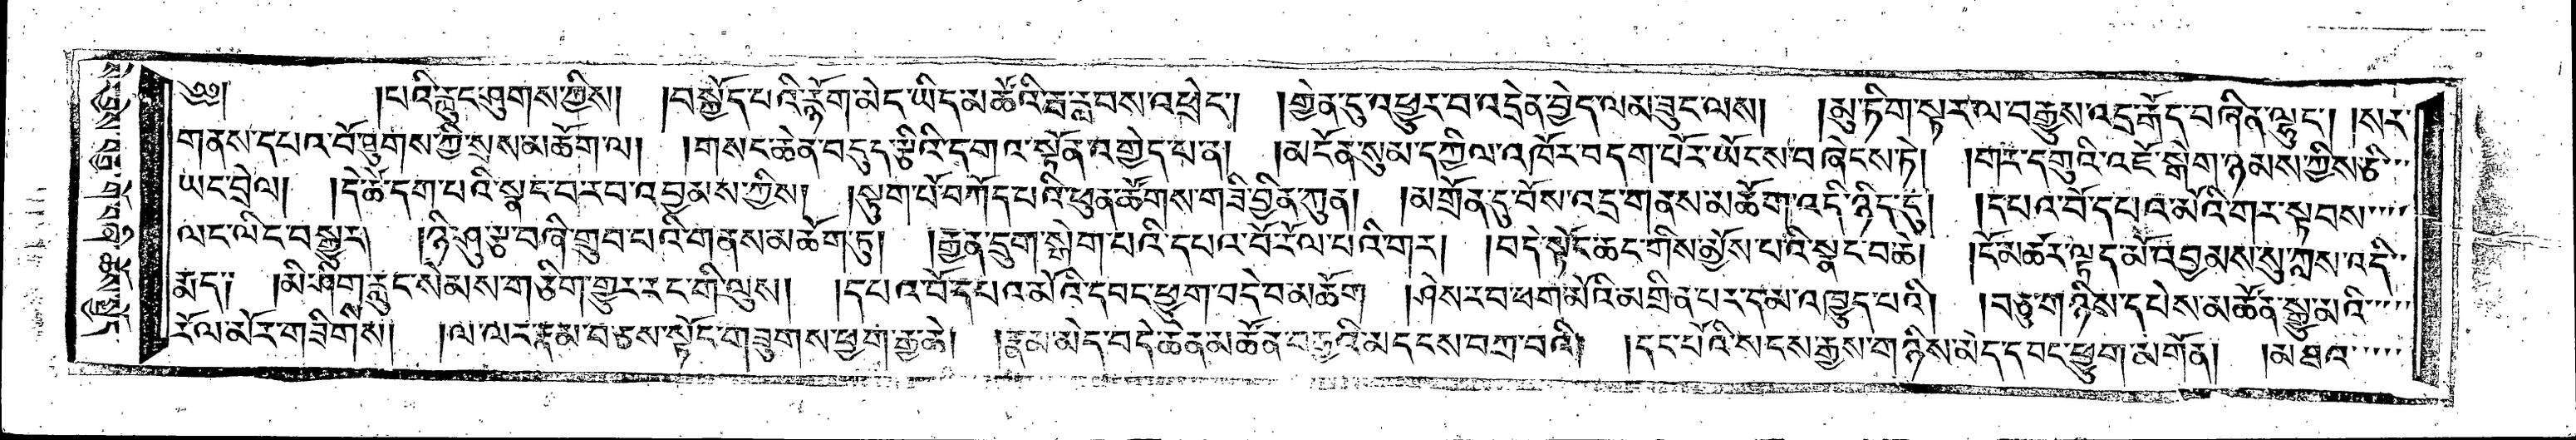༄༅། །པའི་རླུང་ཤུགས་ཀྱིས། །བསྐྱོད་པའི་རྙོག་མེད་ཡིད་མཚོའི་རྦ་རླབས་འཕྲེང་། །གྱེན་དུ་འཕྱུར་བ་འདྲེན་བྱེད་ལམ་ཟུང་ལས། །མུ་ཏིག་སྟར་ལ་བརྒྱུས་འདྲ་རྒོད་བཞིན་ལྷུང་། །སར་
གནས་དཔའ་བོ་ཐུགས་ཀྱི་སྲས་མཆོག་ལ། །གསང་ཆེན་བདུད་རྩིའི་དགའ་སྟོན་འགྱེད་པ་ན། །མངོན་སུམ་དཀྱིལ་འཁོར་བདག་པོར་ཡོངས་བཞེངས་ཏེ། །གར་དགུའི་འཇོ་སྒེག་ཉམས་ཀྱིས་ཅི་
ཡང་བྲེལ། །དེ་ཚེ་དག་པའི་སྣང་བ་རབ་འབྱམས་ཀྱིས། །སྟུག་པོ་བཀོད་པའི་ཕུན་ཚོགས་གཟི་བྱིན་ཀུན། །མགྲོན་དུ་བོས་འདྲ་གནས་མཆོག་འདི་ཉིད་དུ། །དཔའ་བོ་དཔའ་མོའི་གར་སྟབས་
ལང་ལིང་བསྒྱུར། །ཉི་ཤུ་རྩ་བཞི་གྲུབ་པའི་གནས་མཆོག་ཏུ། །རྒྱན་དྲུག་སྒེག་པའི་དཔའ་བོ་རོལ་པའི་གར། །བདེ་སྟོང་ཆང་གིས་མྱོས་པའི་སྣང་བ་ཆེ། །ངོ་མཚར་ལྟད་མོ་འབྱམས་སུ་ཀླས་འདི་
རྨད༑ །མི་ཤིགས་རླུང་སེམས་གཅིག་གྱུར་རང་གི་ལུས། །དཔའ་བོ་དཔའ་མོའི་དབང་ཕྱུག་བདེ་བ་མཆོག །ཤེས་རབ་ཕག་མོའི་མགྲིན་པར་དམ་འཁྱུད་པའི། །བཅུ་གཉིས་དཔེས་མཚོན་སྒྱུ་མའི་
རོལ་མོར་གཟིགས། །ལ་ལར་རྣམ་བཅས་སྟོང་གཟུགས་ཕྱག་རྒྱ་ཆེ། །རྣམ་མེད་བདེ་ཆེན་མཚོན་བརྒྱའི་མདངས་བཀྲ་བའི། །དང་པོའི་སངས་རྒྱས་གཉིས་མེད་དབང་ཕྱུག་མགོན། །མཐའ་